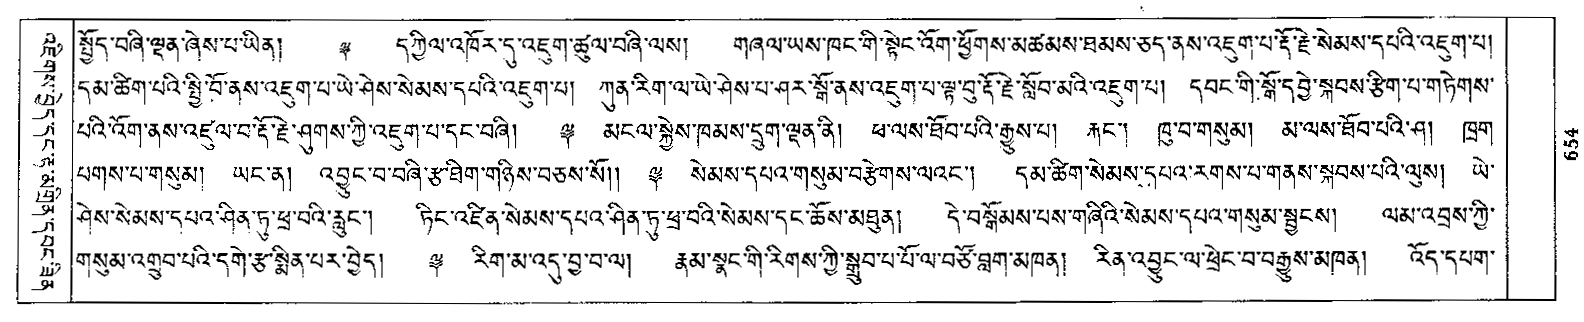སྤྱོད་བཞི་ལྡན་ཞེས་པ་ཡིན། ༈ དཀྱིལ་འཁོར་དུ་འཇུག་ཚུལ་བཞི་ལས། གཞལ་ཡས་ཁང་གི་སྟེང་འོག་ཕྱོགས་མཚམས་ཐམས་ཅད་ནས་འཇུག་པ་རྡོ་རྗེ་སེམས་དཔའི་འཇུག་པ།
དམ་ཚིག་པའི་སྤྱི་བོ་ནས་འཇུག་པ་ཡེ་ཤེས་སེམས་དཔའི་འཇུག་པ། ཀུན་རིག་ལ་ཡེ་ཤེས་པ་ཤར་སྒོ་ནས་འཇུག་པ་ལྟ་བུ་རྡོ་རྗེ་སློབ་མའི་འཇུག་པ། དབང་གི་སྒོ་དབྱེ་སྐབས་རྩིག་པ་གཏེགས་
པའི་འོག་ནས་འཛུལ་བ་རྡོ་རྗེ་ཤུགས་ཀྱི་འཇུག་པ་དང་བཞི། ༈ མངལ་སྐྱེས་ཁམས་དྲུག་ལྡན་ནི། ཕ་ལས་ཐོབ་པའི་རྒྱུས་པ། རྐང་། ཁུ་བ་གསུམ། མ་ལས་ཐོབ་པའི་ཤ། ཁྲག་
པགས་པ་གསུམ། ཡང་ན། འབྱུང་བ་བཞི་རྩ་ཐིག་གཉིས་བཅས་སོ།། ༈ སེམས་དཔའ་གསུམ་བརྩེགས་ལའང་། དམ་ཚིག་སེམས་དཔའ་རགས་པ་གནས་སྐབས་པའི་ལུས། ཡེ་
ཤེས་སེམས་དཔའ་ཤིན་ཏུ་ཕྲ་བའི་རླུང་། ཏིང་འཛིན་སེམས་དཔའ་ཤིན་ཏུ་ཕྲ་བའི་སེམས་དང་ཆོས་མཐུན། དེ་བསྒོམས་པས་གཞིའི་སེམས་དཔའ་གསུམ་སྦྱངས། ལམ་འབྲས་ཀྱི་
གསུམ་འགྲུབ་པའི་དགེ་རྩ་སྨིན་པར་བྱེད། ༈ རིག་མ་འདུ་བྱ་བ་ལ། རྣམ་སྣང་གི་རིགས་ཀྱི་སྒྲུབ་པ་པོ་ལ་བཙོ་བླག་མཁན། རིན་འབྱུང་ལ་ཕྲེང་བ་བརྒྱུས་མཁན། འོད་དཔག་